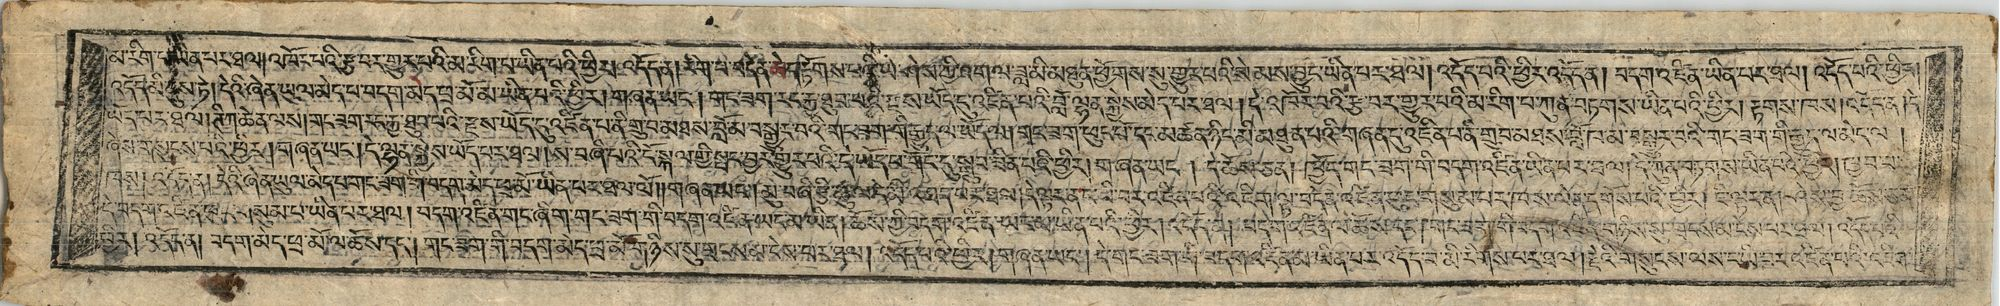མ་རིག་པ་ཡིན་པར་ཐལ། འཁོར་པའི་རྩ་བར་གྱུར་པའི་མ་རིག་པ་ཡིན་པའི་ཕྱིར། འདོད་ན། རིག་པ་བདེན་མེད་རྟོགས་པའི་ཡེ་ཤེས་ཀྱི་འགལ་ཟླ་མི་མཐུན་ཕྱོགས་སུ་གྱུར་པའི་སེམས་བྱུང་ཡིན་པར་ཐལ། འདོད་པའི་ཕྱིར་འདོད་ན། བདག་འཛིན་ཡིན་པར་ཐལ། འདོད་པའི་ཕྱིར།
འདོད་མི་ནུས་ཏེ། དེའི་ཞེན་ཡུལ་མེད་པ་བདག་མེད་ཕྲ་མོ་མ་ཡིན་པའི་ཕྱིར། གཞན་ཡང་། གང་ཟག་རང་རྐྱ་ཐུབ་པའི་རྫས་ཡོད་དུ་འཛིན་པའི་བློ་ལྷན་སྐྱེས་མེད་པར་ཐལ། དེ་འཁོར་བའི་རྩ་བར་གྱུར་པའི་མ་རིག་པ་ཀུན་བཏགས་ཡིན་པའི་ཕྱིར། རྟགས་ཁས། འདོད་ན། དེ་
ཡོད་པར་ཐལ། ཊིཀ་ཆེན་ལས། གང་ཟག་རང་རྐྱ་ཐུབ་པའི་རྫས་ཡོད་དུ་འཛིན་པ་ནི་གྲུབ་མཐས་བློ་མ་བསྒྱུར་བའི་གང་ཟག་གི་རྒྱུད་ལ་ཡོད་ལ། གང་ཟག་ཕུང་པོ་དང་མཚན་ཉིད་མི་མཐུན་པའི་གཞན་དུ་འཛིན་པ་ནི་གྲུབ་མཐས་བློ་ཁ་མ་བསྒྱུར་བའི་གང་ཟག་གི་རྒྱུད་ལ་མེད་ལ།
ཞེས་གསུངས་པའི་ཕྱིར། གཞན་ཡང་། དེ་ལྷན་སྐྱེས་ཡོད་པར་ཐལ། ས་བཞི་པའི་དོ་སྐལ་གྱི་སྤང་བྱར་གྱུར་པའི་དེ་ཡོད་པ་གོང་དུ་སྒྲུབ་ཟིན་པའི་ཕྱིར། གཞན་ཡང་། དེ་ཆོས་ཅན། ཁྱོད་གང་ཟག་གི་བདག་འཛིན་ཡིན་པར་ཐལ། དེ་ཀུན་བཏགས་ཡིན་པའི་ཕྱིར། ཁྱབ་པ་
ཁས། འདོད་ན། དེའི་ཞེན་ཡུལ་མེད་པ་གང་ཟག་གི་བདག་མེད་ཕྲ་མོ་ཡིན་པར་ཐལ་ལོ། །གཞན་ཡང་། མུ་བཞི་རྩི་ཚུལ་དེ་མི་འཐད་པར་ཐལ། དེ་ལྟར་ན་ང་ཡི་བར་འཛིན་པའི་འཇིག་ལྟ་བདེན་འཛིན་ཕུང་གསུམ་པར་ཁས་ལེན་དགོས་པའི་ཕྱིར། ཇི་ལྟར་ན། ཤེས་བྱ་ཆོས་ཅན་
དེ་བདག་འཛིན་ཕུང་གསུམ་པ་ཡིན་པར་ཐལ། བདག་འཛིན་གང་ཞིག་གང་ཟག་གི་བདག་འཛིན་ཡང་མ་ཡིན། ཆོས་ཀྱི་བདག་འཛིན་ཡང་མ་ཡིན་པའི་ཕྱིར། འདོད་ན། བདག་འཛིན་ལ་ཆོས་དང་། གང་ཟག་གི་བདག་འཛིན་གཉིས་སུ་གྲངས་མ་ངེས་པར་ཐལ། འདོད་པའི་
ཕྱིར། འདོད་ན། བདག་མེད་ཕྲ་མོ་ལ་ཆོས་དང་། གང་ཟག་གི་བདག་མེད་ཕྲ་མོ་གཉིས་སུ་གྲངས་མ་ངེས་པར་ཐལ། འདོད་པའི་ཕྱིར། གཞན་ཡང་། དེ་གང་ཟག་གི་བདག་འཛིན་མ་ཡིན་པར་འདོད་པ་མི་རིགས་པར་ཐལ། རྗེའི་གསུངས་ལས་ང་ཡི་བར་འཛིན་པའི་འཇིག་